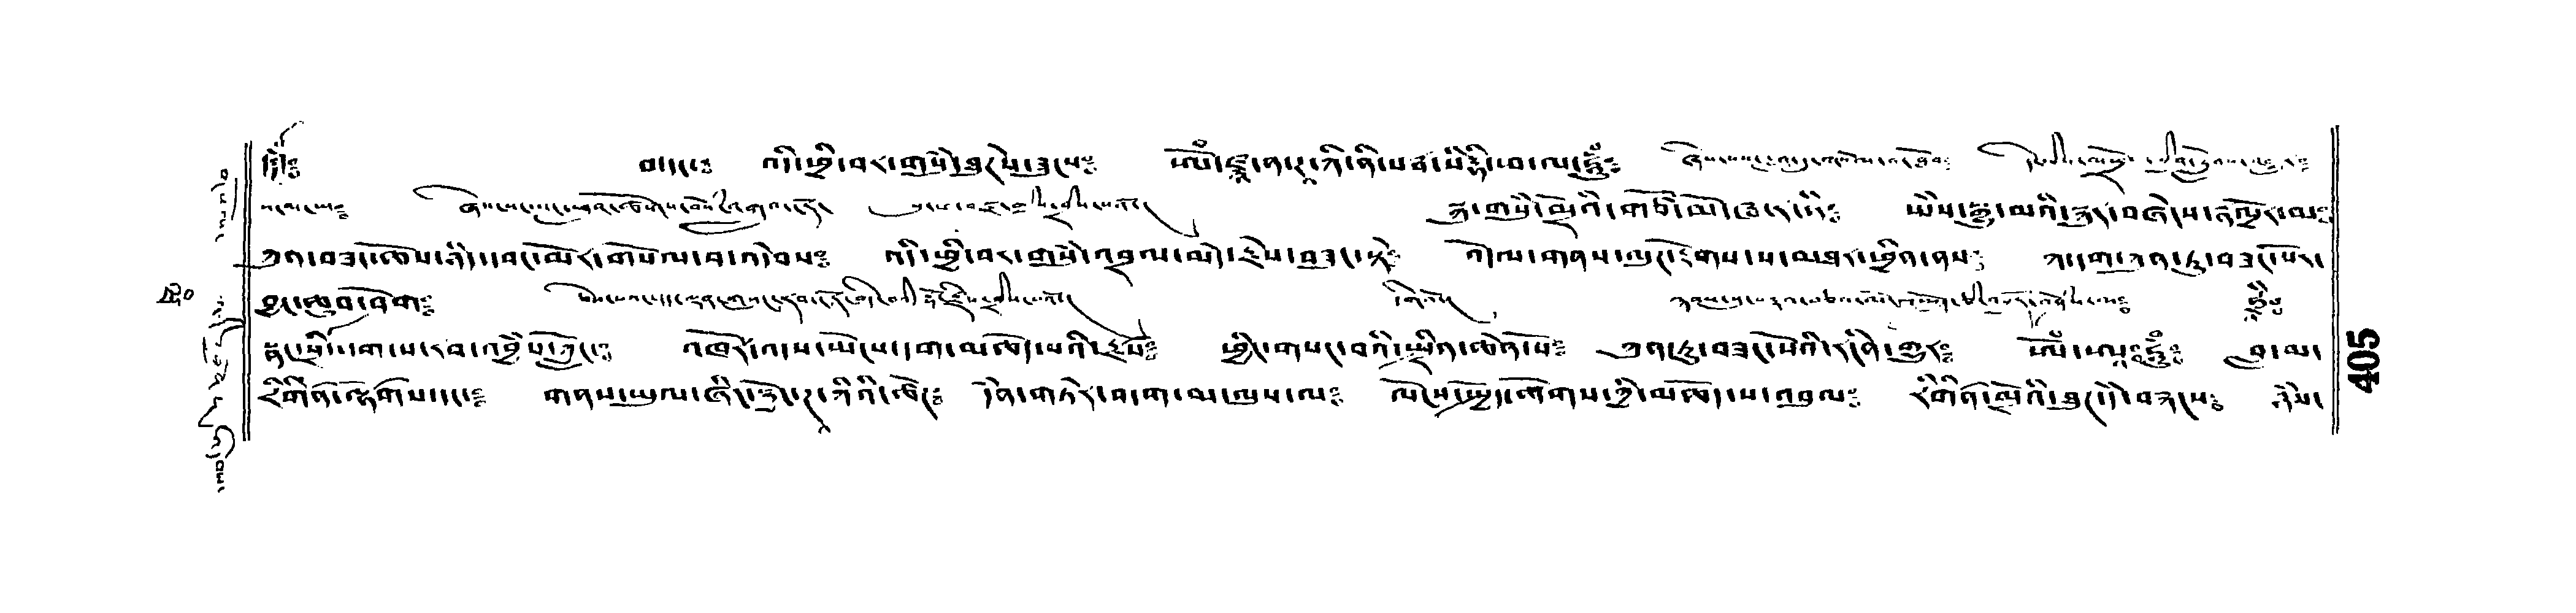བ་དང༔ འདི་ཕྱི་བར་གསུམ་ཐུགས་རྗེས་ཟུངས༔ ཨོཾ་ཛྙཱ་ན་ཌཱ་ཀི་ནི་སརྦ་སིདྡྷི་ཕ་ལ་ཧཱུྃ༔ ཞེས་པས་རྒྱུན་དུ་གསོལ་བ་ཐོབ༔ དེ་ཡིས་མཁའ་འགྲོས་བྱིན་བརླབ་འགྱུར༔ 
ས་མ་ཡ༔ ཞེས་པ་ཡང་ཕུན་ཚོགས་བསམ་འགྲུབ་ངོར། སུ་ཁ་བཛྲ་གྱིས་བྲིས་པའོ།། སྐུ་གསུམ་མཁའ་འགྲོའི་གཙོ་མོ་ཝ་ར་ཧི༔ ཡེ་ཤེས་སྒྱུ་མའི་སྐུར་བཞེངས་རྣལ་འབྱོར་མ༔ 
ཀུན་བཟང་ཆོས་ཉིད་དབང་མོར་གསོལ་བ་འདེབས༔ འདི་ཕྱི་བར་གསུམ་འབྲལ་མེད་རྗེས་བཟུང་སྟེ༔ འོད་གསལ་གནས་ལུགས་རྟོགས་པ་མཐར་ཕྱིན་ནས༔ ཀ་དག་ཀུན་ཏུ་བཟང་པོར་
བྱང་ཆུབ་ཤོག༔ ཅེས་པའང་དད་ལྡན་གསུང་རབ་ངོར་བདེ་བའི་རྡོ་རྗེས་བྲིས་པའོ།། སྐབས་སུ་བཟའ་བཅའ་ལོངས་སྤྱོད་ཅི་འབྱོར་བཤམས་ལ༔ ཧྲཱིཿ 
སྣང་སྲིད་དག་པ་རབ་འབྱམས་ཀློང༔ འཁོར་འདས་ཡོངས་དག་མཆོད་པའི་རྫས༔ཕྱི་ནང་གསང་བའི་སྤྲིན་ཆེན་པོ༔ ཀུན་ཏུ་བཟང་པོའི་རང་བཞིན་གྱུར༔ ཨོཾ་ཨཱཿཧཱུྃ༔ བླ་མ་
རིག་འཛིན་ལྷ་ཚོགས་དང༔ གནས་ཡུལ་ཞིང་སྐྱོང་ཌཱ་ཀིའི་ཚོགས༔ དམ་ཅན་གཏེར་བདག་མ་ལུས་ལ༔ ལོངས་སྤྱོད་ཚོགས་ཀྱི་མཆོད་པ་འབུལ༔ རིག་འཛིན་མཁའ་འགྲོའི་ཐུགས་དམ་བསྐངས༔ ཉམས་